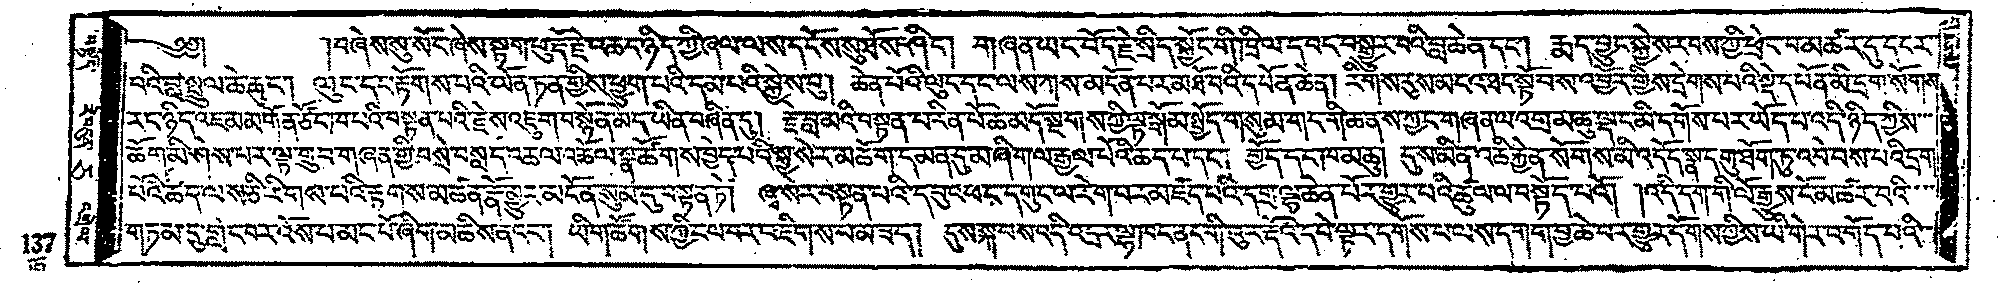༄༅། །བཞེས་སུ་སོང་ཞེས་སྟག་ཕུ་རྡོ་རྗེ་འཆང་ཉིད་ཀྱི་ཞལ་ལས་དངོས་སུ་ཐོས་ཤིང་། གཞན་ཡང་བོད་རྗེ་སྲིད་སྐྱོང་གི་ཁྲི་ལ་དབང་བསྒྱུར་བའི་བླ་ཆེན་དང་། རྨད་བྱུང་སྐྱེས་རབས་ཀྱི་ཕྲེང་བ་མཚར་དུ་དངར་
བའི་བླ་སྤྲུལ་ཆེ་ཆུང་། ལུང་དང་རྟོགས་པའི་ཡོན་ཏན་གྱིས་ཕྱུག་པའི་དམ་པའི་སྐྱེས་བུ། ཆེན་པོའི་ལུང་དང་ལས་ཀས་མངོན་པར་མཐོ་བའི་དཔོན་ཆེན། རིགས་རུས་མངའ་ཐང་སྟོབས་འབྱོར་གྱིས་དྲེགས་པའི་སྡེ་དཔོན་མི་དྲག་སོགས་
རང་ཉིད་འཇམ་མགོན་ཙོང་ཁ་པའི་བསྟན་པའི་རྗེས་འཇུག་བསྙོན་མེད་ཡིན་བཞིན་དུ། རྗེ་བླ་མའི་བསྟན་པ་རིན་པོ་ཆེ་མདོ་སྔགས་ཀྱི་ལྟ་སྒོམ་སྤྱོད་གསུམ་གང་གི་ཆ་ནས་ཀྱང་གཞན་ལ་འགྲམ་ཆུ་ལྡང་མི་དགོས་པར་ཡོད་པ་འདི་ཉིད་ཀྱིས་
ཆོག་མི་ཤེས་པར་ལྟ་གྲུབ་གཞན་གྱི་བསྲེ་བསླད་འཆལ་འཆོལ་སྣ་ཚོགས་བྱེད་པའི་སྐྱ་སེར་མཆོག་དམན་དུ་མ་ཞིག་ལ་རྒྱལ་པོའི་ཆད་པ་དང་། གྱོད་དང་ཁ་མཆུ། དུས་མིན་འཆི་རྐྱེན་སོགས་མི་འདོད་སྣ་དགུ་ཐོག་ཏུ་འབེབས་པའི་དྲག་
པོའི་ཚད་ལས་ཅི་རིགས་པའི་རྟགས་མཚན་རྣོ་མྱུར་མངོན་སུམ་དུ་བསྟན་ཏེ། ཞྭ་སེར་བསྟན་པའི་དབུ་འཕང་དགུང་ལ་རེག་པར་མཛད་པའི་དགྲ་ལྷ་ཆེན་པོར་གྱུར་པའི་ཚུལ་ལ་བསྟོད་པའོ། །འདི་དག་གི་ལོ་རྒྱུས་ངོ་མཚར་བའི་
གཏམ་དུ་གླེང་བར་འོས་པ་མང་པོ་ཞིག་མཆིས་ནའང་། ཡིག་ཚོགས་ཀྱི་ངལ་བར་འཇིགས་པ་མ་ཟད། དུས་སྐབས་འདི་འདྲར་ལྷ་ཁང་ནང་གི་འུར་རྡོའི་དཔེ་ལྟར་དགོས་པ་ལས་དགག་བྱ་ཆེ་བར་གྱུར་དོགས་ཀྱིས་ཡི་གེར་འགོད་པའི་